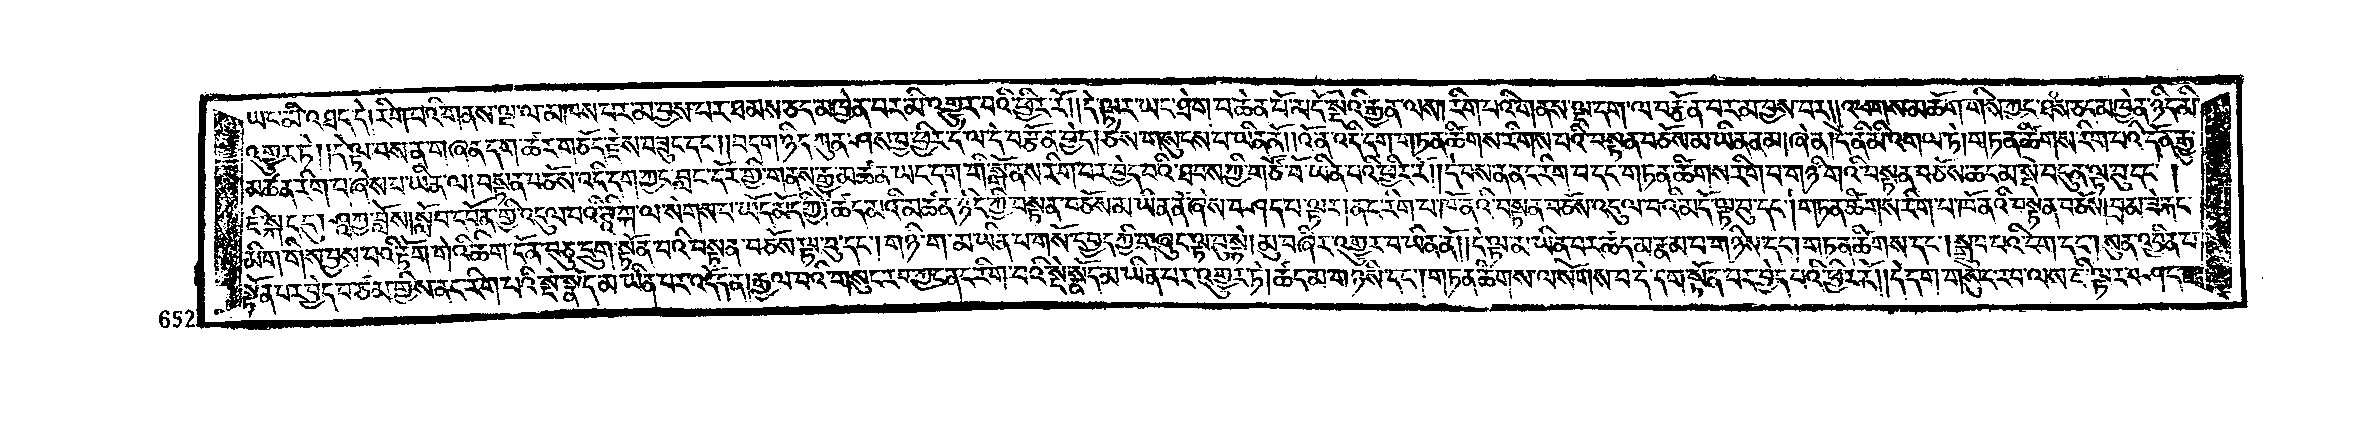ཡང་མི་འཐད་དེ། རིག་པའི་གནས་ལྔ་ལ་མཁས་པར་མ་བྱས་པར་ཐམས་ཅད་མཁྱེན་པར་མི་འགྱུར་བའི་ཕྱིར་རོ། །དེ་ལྟར་ཡང་ཐེག་པ་ཆེན་པོ་མདོ་སྡེའི་རྒྱན་ལས། རིག་པའི་གནས་ལྔ་དག་ལ་བརྩོན་པར་མ་བྱས་པར། །འཕགས་མཆོག་གིས་ཀྱང་ཐམས་ཅད་མཁྱེན་ཉིད་མི་
འགྱུར་ཏེ། །དེ་ལྟ་བས་ན་གཞན་དག་ཚར་གཅོད་རྗེས་བཟུང་དང་། །བདག་ཉིད་ཀུན་ཤེས་བྱ་ཕྱིར་དེ་ལ་དེ་བརྩོན་བྱེད། ཅེས་གསུངས་པ་ཡིན་ནོ། །འོ་ན་འདི་དག་གཏན་ཚིགས་རིགས་པའི་བསྟན་བཅོས་མ་ཡིན་ནམ། ཞེ་ན། དེ་ནི་མི་འགལ་ཏེ། གཏན་ཚིགས་རིག་པའི་དོན་རྒྱུ་
མཚན་རིག་པ་ཞེས་པ་ཡིན་ལ། བསྟན་བཅོས་འདི་དག་ཀྱང་བླང་དོར་གྱི་གནས་རྒྱུ་མཚན་ཡང་དག་གི་སྒོ་ནས་རིག་པར་བྱེད་པའི་ཐབས་ཀྱི་གཙོ་བོ་ཡིན་པའི་ཕྱིར་རོ། །དེ་བས་ན་ནང་རིག་པ་དང་གཏན་ཚིགས་རིག་པ་གཉི་གའི་བསྟན་བཅོས་ཚད་མ་སྡེ་བདུན་ལྟ་བུ་དང་།
ཇི་སྐད་དུ། ཤཱཀྱ་བློས། སློབ་དཔོན་གྱི་འདུལ་བའི་ཊཱིཀྐ་ལ་སོགས་པ་ཡོད་མོད་ཀྱི། ཚད་མའི་མཚན་ཉིད་ཀྱི་བསྟན་བཅོས་མ་ཡིན་ནོ་ཞེས་བཤད་པ་ལྟར། ནང་རིག་པ་ཁོ་ནའི་བསྟན་བཅོས་འདུལ་བའི་མདོ་ལྟ་བུ་དང་། གཏན་ཚིགས་རིག་པ་ཁོ་ནའི་བསྟན་བཅོས། བྲམ་ཟེ་རྐང་
མིག་གིས་བྱས་པའི་རྟོག་གེའི་ཚིག་དོན་བཅུ་དྲུག་སྟོན་པའི་བསྟན་བཅོས་ལྟ་བུ་དང་། གཉི་ག་མ་ཡིན་པ་གསོ་དཔྱད་ཀྱི་གཞུང་ལྟ་བུ་སྟེ། མུ་བཞིར་འགྱུར་བ་ཡིན་ནོ། །དེ་ལྟ་མ་ཡིན་པར་ཚད་མ་རྣམ་པ་གཉིས་དང་། གཏན་ཚིགས་དང་། སྒྲུབ་པའི་ངག་དང་། སུན་འབྱིན་པ་
སྟོན་པར་བྱེད་པ་ཙམ་གྱིས་ནང་རིག་པའི་སྡེ་སྣོད་མ་ཡིན་པར་འདོད་ན། རྒྱལ་བའི་གསུང་རབ་ཀྱང་ནང་རིག་པའི་སྡེ་སྣོད་མ་ཡིན་པར་འགྱུར་ཏེ། ཚད་མ་གཉིས་དང་། གཏན་ཚིགས་ལ་སོགས་པ་དེ་དག་སྟོན་པར་བྱེད་པའི་ཕྱིར་རོ། །དེ་དག་གསུང་རབ་ལས་ཇི་ལྟར་བཤད་